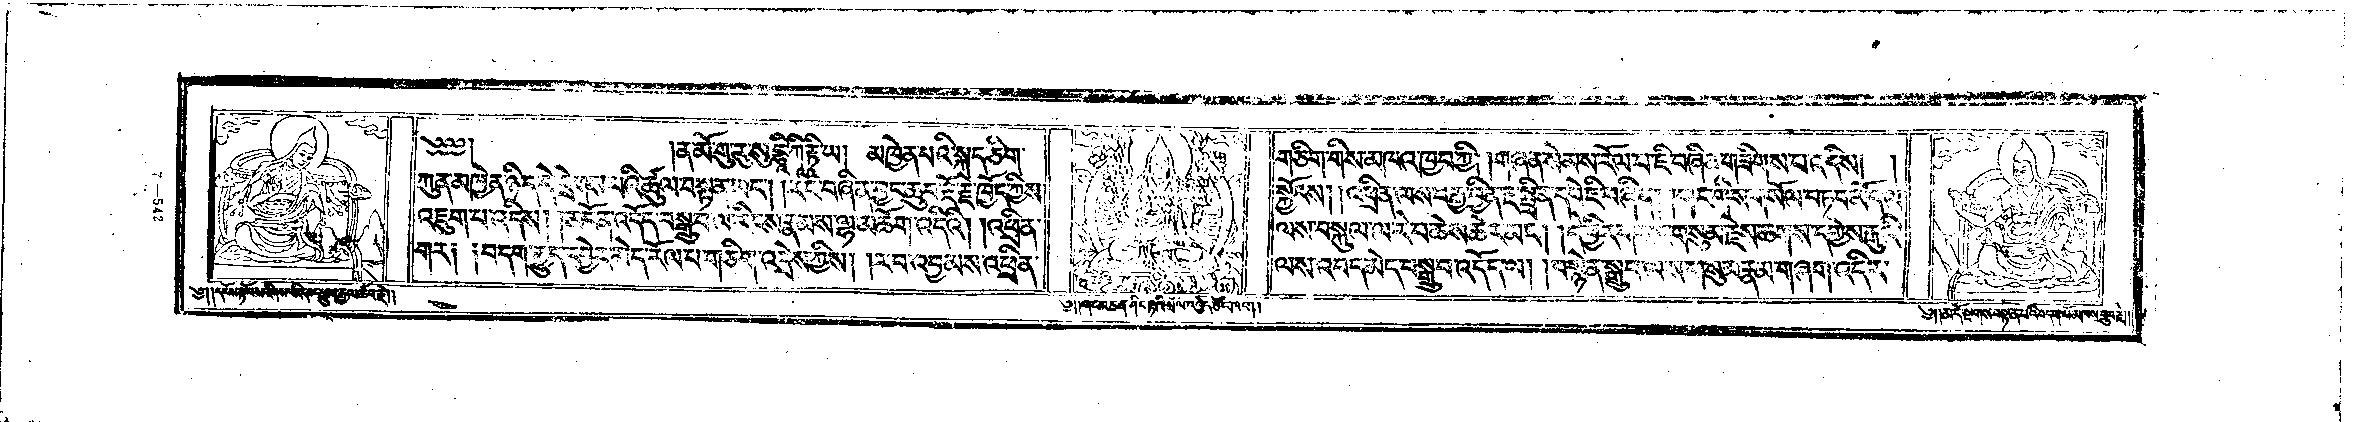༄༅༅། །ན་མོ་གུ་རུ་སུ་དྷཱི་ཀཱི་རྟཱི་ཡ། མཁྱེན་པའི་སྐད་ཅིག་གཅིག་གིས་མཁའ་ཁྱབ་ཀྱི། །གཞན་སེམས་རོལ་བ་ཇི་བཞིན་གཟིགས་པ་འདིས། །
ཀུན་མཁྱེན་ཉིད་དེ་དྲེགས་པའི་ཚུལ་བསྟན་ཡང་། །རང་བཞིན་བྱང་ཆུབ་རྡོ་རྗེ་ཁྱོད་ཀྱིས། སྐྱོངས། །འཕྲིན་ལས་བརྒྱ་བྱིན་རྔ་སྤྲིན་དཔེ་ཇི་བཞིན། །གང་གིས་གསོལ་བཏབ་མོད་ལ་
འཇུག་པ་འདིས། །མངོན་འདོད་བསྒྲུབ་ལ་རིངས་རྣམས་ལྷ་མཆོག་འདིའི། །འཕྲིན་ལས་བསྐུལ་ལ་རེ་བ་ཆེས་ཆེར་མང་། །དེ་ཕྱིར་གསང་གསུམ་རྗེས་ཆགས་དགྱེས་རྒུའི་
གར༑ ༑བདག་རྒྱུད་དབྱེར་མེད་རོལ་པ་གཅིག་འདྲེས་ཀྱིས། །རབ་འབྱམས་འཕྲིན་ལས་འབད་མེད་བསྒྲུབ་འདོད་ལ། །བསྙེན་སྒྲུབ་ལས་གསུམ་རྣམ་གཞག་འདི་